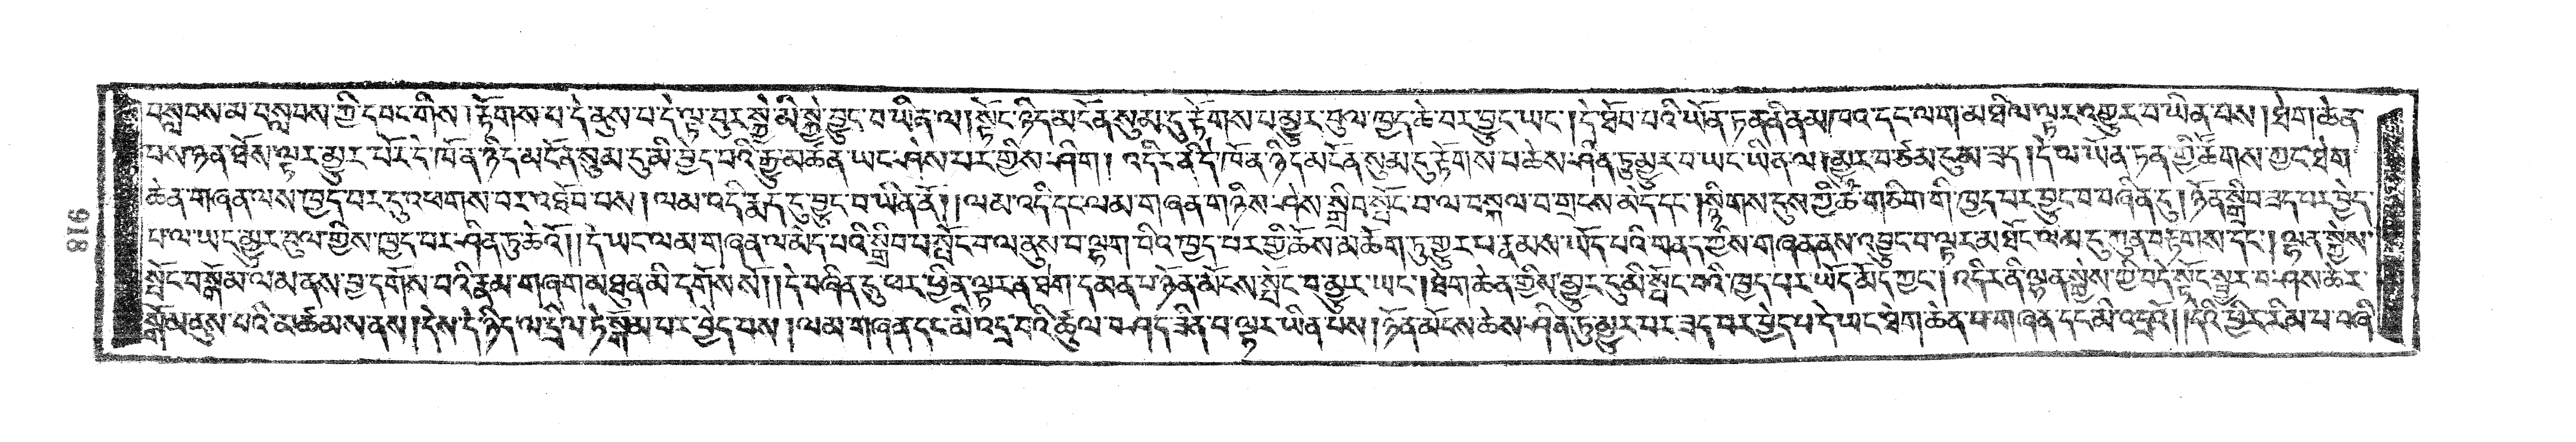བསླབས་མ་བསླབས་ཀྱི་དབང་གིས། རྟོགས་པ་དེ་ནུས་པ་དེ་ལྟ་བུར་སྐྱེ་མི་སྐྱེ་བྱུང་བ་ཡིན་ལ། སྟོང་ཉིད་མངོན་སུམ་དུ་རྟོགས་པ་མྱུར་བུལ་ཁྱད་ཆེ་བར་བྱུང་ཡང་། དེ་ཐོབ་པའི་ཡོན་ཏན་ནི་ནམ་མཁའ་དང་ལག་མཐིལ་ལྟར་འགྱུར་བ་ཡིན་པས། ཐེག་ཆེན་
པས་ཉན་ཐོས་ལྟར་མྱུར་པོར་དེ་ཁོ་ན་ཉིད་མངོན་སུམ་དུ་མི་བྱེད་པའི་རྒྱུ་མཚན་ཡང་ཤེས་པར་གྱིས་ཤིག །འདིར་ནི་དེ་ཁོ་ན་ཉིད་མངོན་སུམ་དུ་རྟོགས་པ་ཆེས་ཤིན་ཏུ་མྱུར་བ་ཡང་ཡིན་ལ། མྱུར་བ་ཙམ་དུ་མ་ཟད། དེ་ལ་ཡོན་ཏན་གྱི་ཚོགས་ཀྱང་ཐེག་
ཆེན་གཞན་ལས་ཁྱད་པར་དུ་འཕགས་པར་འཐོབ་པས། ལམ་འདི་རྨད་དུ་བྱུང་བ་ཡིན་ནོ། །ལམ་འདི་དང་ལམ་གཞན་གཉིས་ཤེས་སྒྲིབ་སྤོང་བ་ལ་བསྐལ་བ་གྲངས་མེད་དང་། སྙིགས་དུས་ཀྱི་ཚེ་གཅིག་གི་ཁྱད་པར་བྱུང་བ་བཞིན་དུ། ཉོན་སྒྲིབ་ཟད་པར་བྱེད་
པ་ལ་ཡང་མྱུར་བུལ་གྱིས་ཁྱད་པར་ཤིན་ཏུ་ཆེའོ། །དེ་ཡང་ལམ་གཞན་ལ་མེད་པའི་སྒྲིབ་པ་སྤོང་བ་ལ་ནུས་པ་ལྷག་པའི་ཁྱད་པར་གྱི་ཆོས་མཆོག་ཏུ་གྱུར་པ་རྣམས་ཡོད་པའི་གནད་ཀྱིས་གཞན་ནས་འབྱུང་བ་ལྟར་མཐོང་ལམ་དུ་ཀུན་བརྟགས་དང་། ལྷན་སྐྱེས་
སྤོང་བ་སྒོམས་ལམ་ནས་བྱ་དགོས་པའི་རྣམ་གཞག་མཐུན་མི་དགོས་སོ། །དེ་བཞིན་དུ་ཕར་ཕྱིན་ལྟར་ན་ཐེག་དམན་པ་ཉོན་མོངས་སྤོང་བ་མྱུར་ཡང་། ཐེག་ཆེན་གྱིས་མྱུར་དུ་མི་སྤོང་བའི་ཁྱད་པར་ཡོད་མོད་ཀྱང་། འདིར་ནི་ལྷན་སྐྱེས་ཀྱི་བདེ་སྟོང་སྦྱར་བ་ཤས་ཆེར་
སྒོམ་ནུས་པའི་མཚམས་ནས། དེས་དེ་ཉིད་ལ་དྲིལ་ཏེ་སྒོམ་པར་བྱེད་པས། ལམ་གཞན་དང་མི་འདྲ་བའི་ཚུལ་བཤད་ཟིན་པ་ལྟར་ཡིན་པས། ཉོན་མོངས་ཆེས་ཤིན་ཏུ་མྱུར་བར་ཟད་པར་བྱེད་པ་དེ་ཡང་ཐེག་ཆེན་པ་གཞན་དང་མི་འདྲའོ། །དེའི་ཕྱིར་རིམ་པ་བཞི་